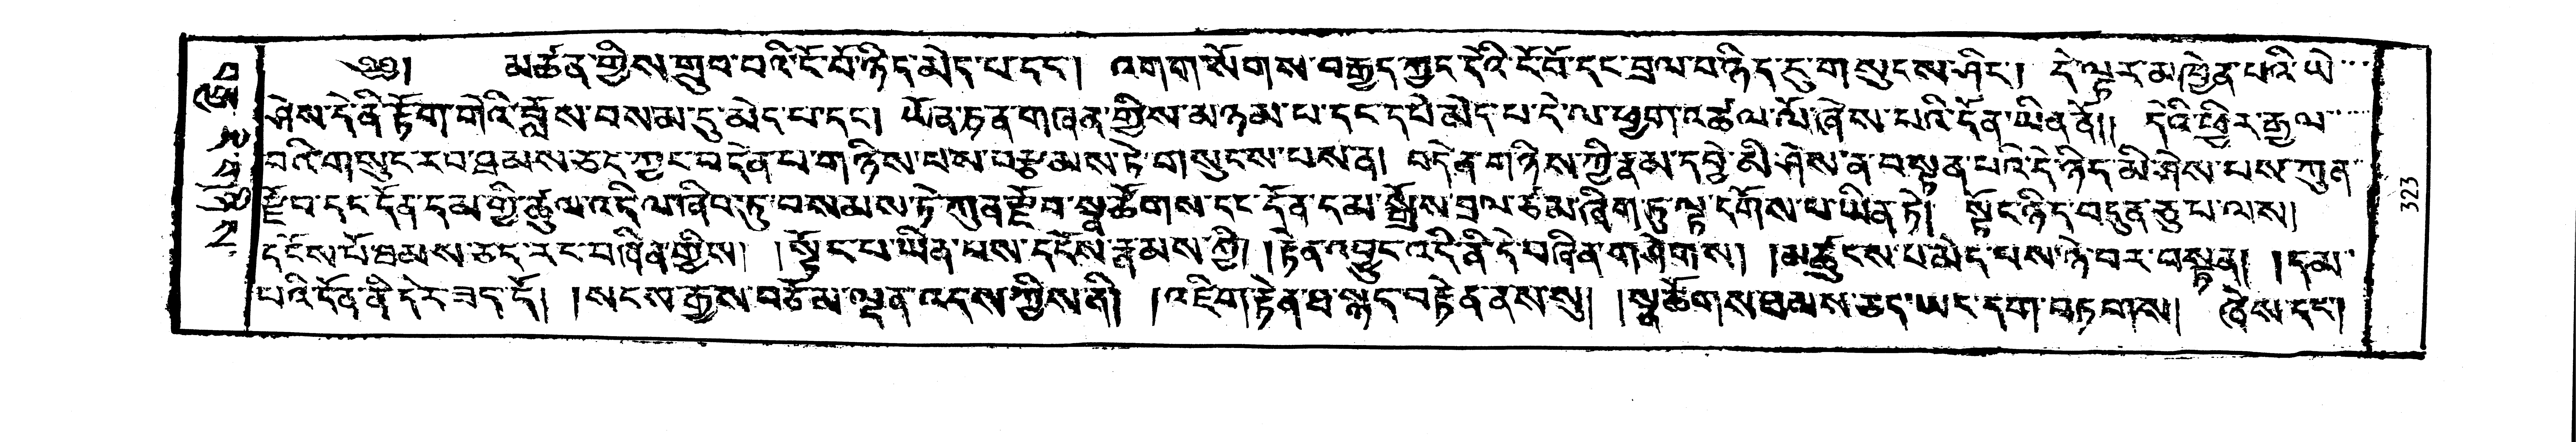༄༅། །མཚན་གྱིས་གྲུབ་པའི་ངོ་བོ་ཉིད་མེད་པ་དང་། འགག་སོགས་བརྒྱད་ཀྱང་དེའི་ངོ་བོ་དང་བྲལ་བ་ཉིད་དུ་གསུངས་ཤིང་། དེ་ལྟར་མཁྱེན་པའི་ཡེ་
ཤེས་དེ་ནི་རྟོག་གེའི་བློས་བསམ་དུ་མེད་པ་དང་། ཡོན་ཏན་གཞན་གྱིས་མཉམ་པ་དང་དཔེ་མེད་པ་དེ་ལ་ཕྱག་འཚལ་ལོ་ཞེས་པའི་དོན་ཡིན་ནོ། །དེའི་ཕྱིར་རྒྱལ་
བའི་གསུང་རབ་ཐམས་ཅད་ཀྱང་བདེན་པ་གཉིས་པས་བརྩམས་ཏེ་གསུངས་པས་ན། བདེན་གཉིས་ཀྱི་རྣམ་དབྱེ་མི་ཤེས་ན་བསྟན་པའི་དེ་ཉིད་མི་ཤེས་པས་ཀུན་
རྫོབ་དང་དོན་དམ་གྱི་ཚུལ་འདི་ལ་ཞིབ་ཏུ་བསམས་ཏེ་ཀུན་རྫོབ་སྣ་ཚོགས་དང་དོན་དམ་སྒྲོས་བྲལ་ཙམ་ཞིག་ཏུ་ལྟ་དགོས་པ་ཡིན་ཏེ། སྟོང་ཉིད་བདུན་ཅུ་པ་ལས།
དངོས་པོ་ཐམས་ཅད་རང་བཞིན་གྱིས། །སྟོང་པ་ཡིན་པས་དངོས་རྣམས་ཀྱི། །རྟེན་འབྱུང་འདི་ནི་དེ་བཞིན་གཤེགས། །མཚུངས་པ་མེད་པས་ཉེ་བར་བསྟན། །དམ་
པའི་དོན་ནི་དེར་ཟད་དོ། །སངས་རྒྱས་བཅོམ་ལྡན་འདས་ཀྱིས་ནི། །འཇིག་རྟེན་ཐ་སྙད་བརྟེན་ནས་སུ། །སྣ་ཚོགས་ཐམས་ཅད་ཡང་དག་བཏགས། ཞེས་དང་།